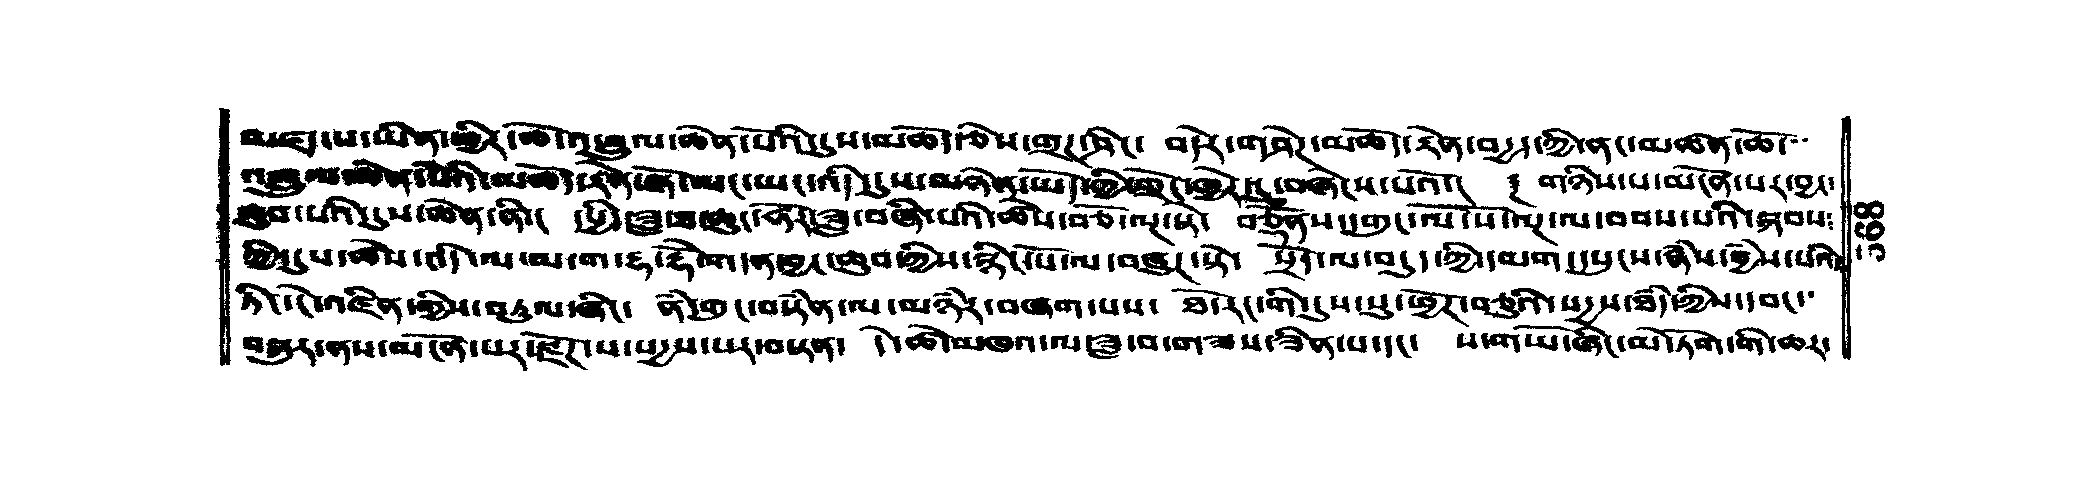མཛད་པ་ཡིན་ཕྱིར་ཆོ་འཕྲུལ་ཆེན་པོའི་དུས་མཆོད་ཅེས་གྲགས་ཤིང་། བདེ་གཤེགས་མཆོད་རྟེན་བརྒྱད་ཀྱི་ནང་མཚན་ཆོ་
འཕྲུལ་ཆེན་པོའི་མཆོད་རྟེན་སྒོ་མང་ཡང་འདི་དུས་མཉེན་ཡོད་ཀྱི་གྲོང་ཁྱེར་དུ་བཞེངས་པའོ།། ༈ གཉིས་པ་མངོན་པར་བྱང་
ཆུབ་པའི་དུས་ཆེན་ནི། དཔྱིད་ཟླ་ཐ་ཆུང་ཧོར་ཟླ་བཞི་པའི་ཚེས་བཅོ་ལྔ་སྟེ། བཅོམ་ལྡན་འདས་དགུང་ལོ་སོ་ལྔ་ལ་བབས་པའི་སྐབས་
ཀྱི་དུས་ཚེས་འདི་ལ་མ་ག་དྷ་རྡོ་རྗེ་གདན་བྱང་ཆུབ་ཀྱི་སྙིང་པོ་ལ་བཞུགས་ཏེ། སྲོད་ལ་བདུད་ཀྱི་དཔུང་རྣམས་བྱམས་པའི་
ཏིང་ངེ་འཛིན་གྱིས་བཏུལ་ཞིང་། ནམ་གུང་བསམ་གཏན་ལ་མཉམ་པར་བཞག་པས། ཐོ་རང་གི་དུས་སུ་ཕྱོགས་བཅུའི་སངས་རྒྱས་ཐམས་ཅད་ཀྱིས་དབང་
བསྐུར་ནས་མངོན་པར་རྫོགས་པ་སངས་རྒྱས་པར་བསྟན། དེ་ཚེ་མཁའ་ལ་ཟླ་བ་གཟས་ཟིན་པ་དང་། ས་གཡོ་ཞིང་མེ་ཏོག་གི་ཆར་